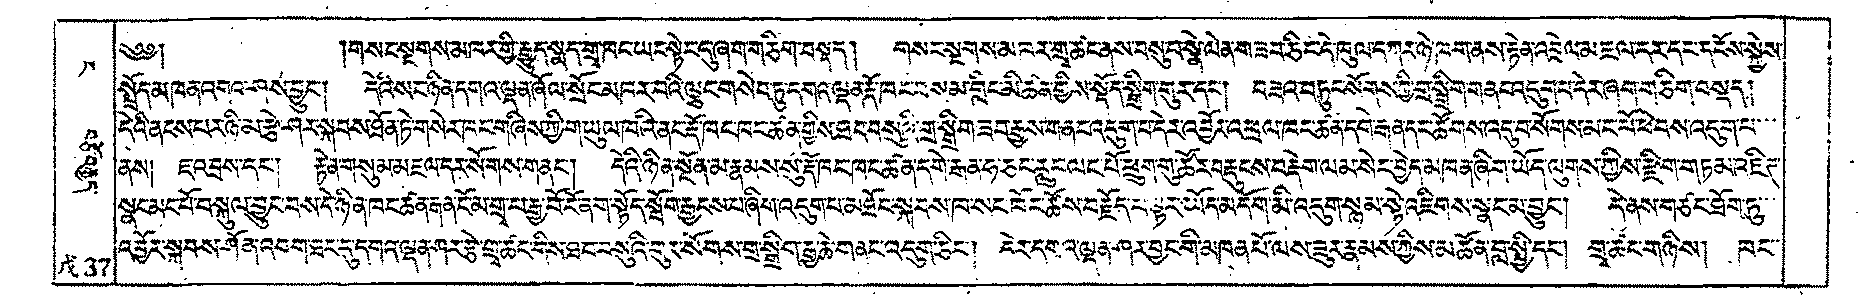༄༅། །གསང་སྔགས་མཁར་གྱི་རྒྱུད་སྨད་གྲྭ་ཁང་ཡང་སྟེང་དུ་ཞག་གཅིག་བསྡད། གསང་སྔགས་མཁར་གྲྭ་ཚང་ནས་བསུ་བ་སྣེ་ལེན་གཟབ་ཅིང་དེ་ཁུལ་དཀར་ཉེ་ཁག་ནས་རྟེན་འབྲེལ་མཇལ་དར་དང་དངོས་སྐྱེས་
སྤྲོད་མཁན་འགའ་ཤས་བྱུང་། དེའི་སང་ཉིན་དགའ་ལྡན་ཞོལ་སྲོང་མཁར་བའི་ལྕང་གསེབ་ཏུ་དགའ་ལྡན་རྡོ་ཁང་བསམ་གླིང་མི་ཚན་གྱིས་སྡོད་སྒྲིག་གུར་དང་། བཟའ་བཏུང་སོགས་ཀྱི་གྲ་སྒྲིག་གནང་འདུག་པ་དེར་ཞག་གཅིག་བསྡད།
དེའི་ནངས་པར་ཉི་མ་རྩེ་ཤར་སྐབས་ཐོན་ཏེ་གསེར་ཁང་གཞིས་ཀྱི་གཡུལ་ཁའི་ནང་རྡོ་ཁང་ཁང་ཚན་གྱིས་ཐབ་བསུའི་གྲ་སྒྲིག་ཟབ་རྒྱས་གནང་འདུག་པ་དེར་འབྱོར་འཕྲལ་ཁང་ཚན་དགེ་རྒན་དང་ཚོགས་འདུ་བ་སོགས་མང་པོ་ཕེབས་འདུག་པ་
ནས། ཇ་འབྲས་དང་། རྟེན་གསུམ་མཇལ་དར་སོགས་གནང་། དེའི་ཉིན་སྔོན་མ་རྣམས་སུ་རྡོ་ཁང་ཁང་ཚན་དགེ་རྒན་ཧ་ཅང་རླུང་ལང་པོ་ཕྲུག་གུ་ཚོར་བརྡུངས་བརྡེག་ལམ་སེང་བྱེད་མཁན་ཞིག་ཡོད་ལུགས་ཀྱིས་རྫིག་གཏམ་འཇིགས་
སྣང་མང་པོ་བསྐུལ་བྱུང་བས་དེ་ཉིན་ཁང་ཚན་རྒན་ངོ་མ་གྲྭ་པ་རྒྱ་བོ་ངོ་ནག་སྟོད་སྦོག་རྒྱངས་པ་ཞིག་འདུག་པ་མཐོང་སྐབས་ཁ་སང་ཁོང་ཚོས་བརྗོད་པ་ལྟར་ཡོད་མདོག་མི་འདུག་སྙམ་སྟེ་འཇིགས་སྣང་མ་བྱུང་། དེ་ནས་གཙང་ཐོག་ཏུ་
འབྱོར་སྐབས་ཤོན་འབག་ཐང་དུ་དགའ་ལྡན་ཤར་རྩེ་གྲྭ་ཚང་གིས་ཐབ་བསུའི་གུར་སོགས་གྲ་སྒྲིག་རྒྱ་ཆེ་གནང་འདུག་ཅིང་། དེར་དགའ་ལྡན་ཤར་བྱང་གི་མཁན་པོ་ལས་ཟུར་རྣམས་ཀྱིས་མཚོན་བླ་སྤྱི་དང་། གྲྭ་ཚང་གཉིས། ཁང་